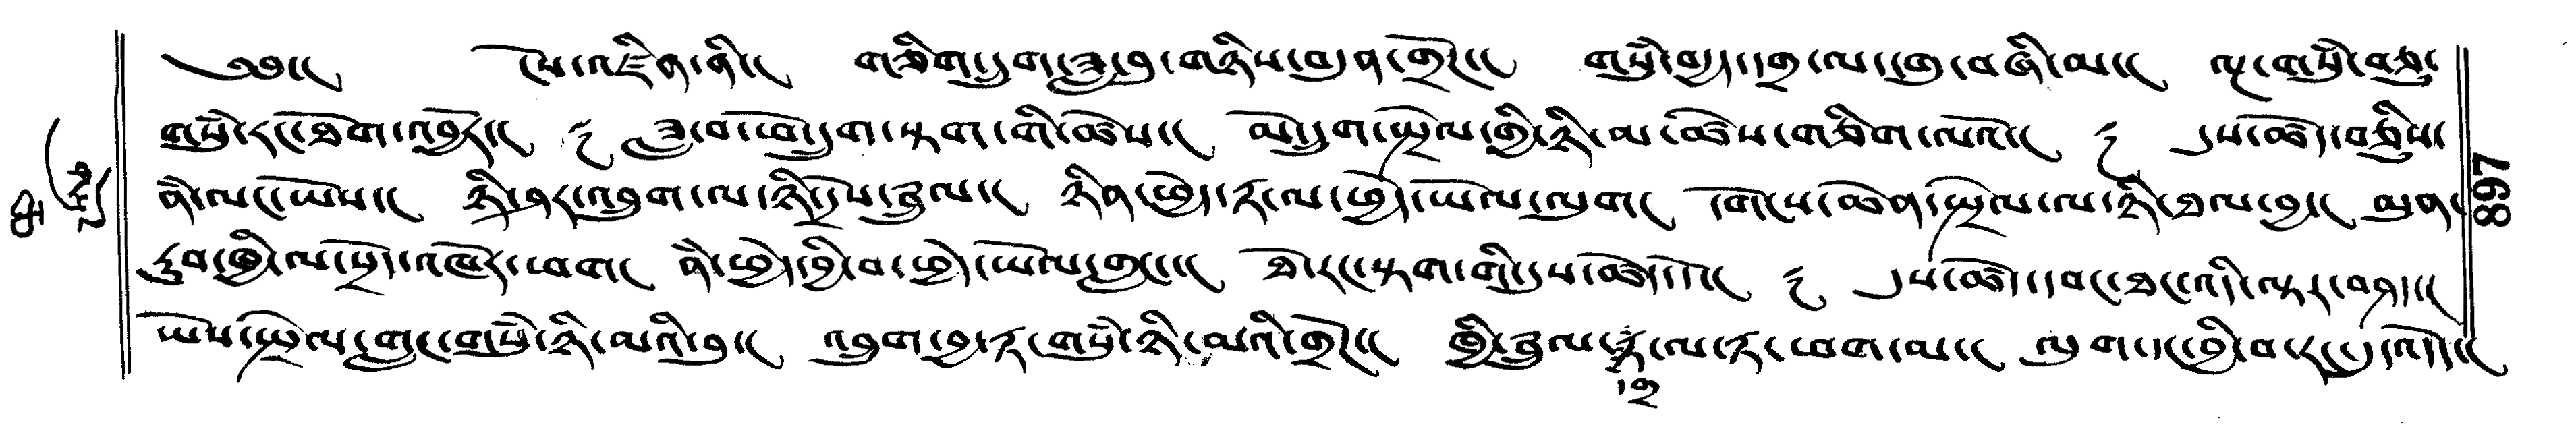ངོས་འཛིན་ནི། །གཅིག་དྲུག་ཟླ་བུ་གཉིས་བདུན་གྲོགས། །གསུམ་བརྒྱད་དགྲ་ལ་དགུ་བཞི་མ། །ལྔ་གསུམ་བཅུ་
གསུམ་རང་ཐོག་འབྱོར། ༈ ཟླ་བ་ཕོ་དྲུག་སྟག་གི་ཚེས། །མོ་དྲུག་སྤྲེལ་གྱི་ཉི་མ་ཚེས་གཅིག་ལའོ། ༈ དུས་ཚོད་བཅུ་གཉིས་
ནམ་ལངས་ཡོས། །ཉི་ཤར་འབྲུག་ལ་ཉི་དྲོས་སྦྲུལ། །ཉིན་ཕྱེད་རྟ་ལ་ཕྱེད་ཡོལ་ལུག །དགོང་ཆེན་སྤྲེལ་ལ་ཉི་ཐལ་བྱ། །མུན་
རུབ་ཁྱི་ལ་སྲོད་འཁོར་ཕག ནམ་ཕྱེད་བྱི་བ་ཕྱེད་ཡོལ་གླང་། །ཐོ་རངས་སྟག་གི་དུས་ཚོད་དོ། ༈ དུས་ཚོད་དབང་ཐང་འདི་ལྟར་བཤད། །
ཡོས་སྤྲེལ་གླང་གསུམ་ཉི་མའི་བུ། །འབྲུག་བྱ་རྟ་གསུམ་ཉི་མའི་གྲོགས། །ཁྱི་སྦྲུལ་དགྲ་ལ་རྟ་ཕག་མ། །ལུག་དང་བྱི་བ་རང་དུ་འདོད། །